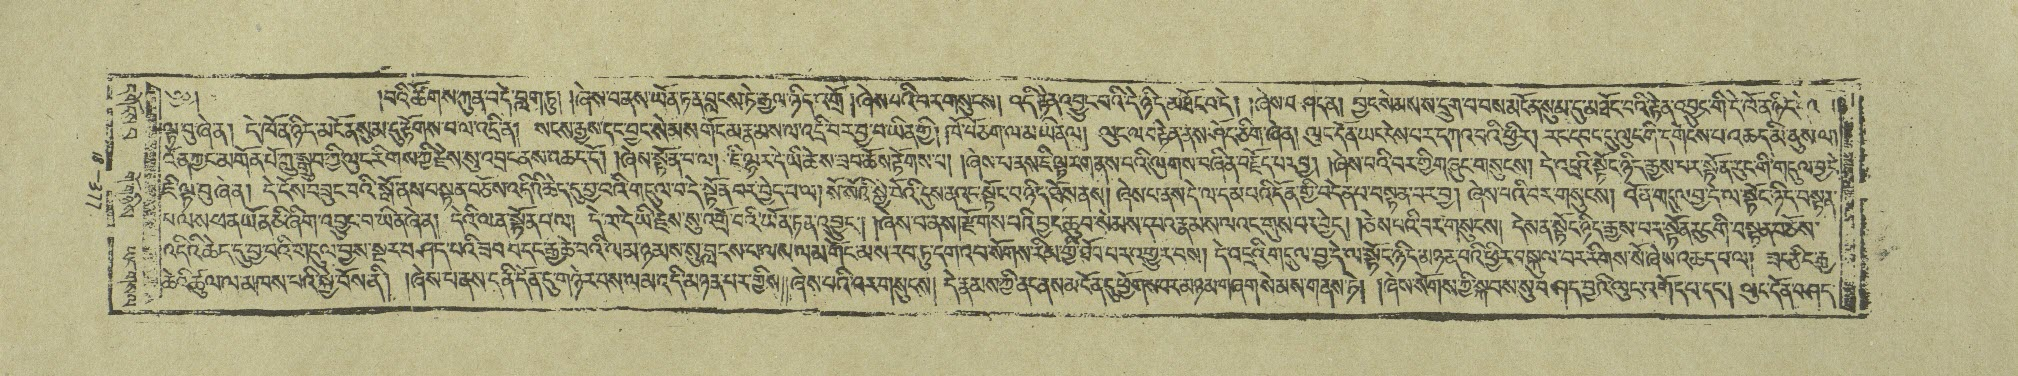༄༅། །བའི་ཚོགས་ཀུན་བདེ་བླག་ཏུ། །ཞེས་པ་ནས་ཡོན་ཏན་བླངས་ཏེ་རྒྱལ་ཉིད་འགྲོ་།ཞེས་པའི་བར་གསུངས། འདི་རྟེན་འབྱུང་བའི་དེ་ཉིད་མཐོང་བ་དེ། །ཞེས་བཤད་ན། བྱང་སེམས་དྲུག་པ་བས་མངོན་སུམ་དུ་མཐོང་བའི་རྟེན་འབྱུང་གི་དེ་ཁོ་ན་ཉིད་དེའི་ཇི་
ལྟ་བུ་ཞེ་ན། དེ་ཁོ་ན་ཉིད་མངོན་སུམ་དུ་རྟོགས་པ་ལ་འདྲི་ན། སངས་རྒྱས་དང་བྱང་སེམས་གོང་མ་རྣམས་ལ་འདྲི་བར་བྱ་བ་ཡིན་གྱི། ཁོ་བོ་ཅག་ལ་མ་ཡིན་ལ། ལུང་ལ་བརྟེན་ནས་ཤོད་ཅིག་ཞེ་ན། ལུང་དོན་ཡང་ངེས་པར་དཀའ་བའི་ཕྱིར། རང་དབང་དུ་ལུང་གི་དགོངས་པ་འཆད་མི་ནུས་ལ།
འོན་ཀྱང་མགོན་པོ་ཀླུ་སྒྲུབ་ཀྱི་ལུང་རིགས་ཀྱི་རྗེས་སུ་འབྲང་ནས་འཆད་དོ། །ཞེས་སྟོན་པ་ལ། ཇི་ལྟར་དེ་ཡི་ཆེས་ཟབ་ཆོས་རྟོགས་པ། །ཞེས་པ་ནས་ཇི་ལྟར་གནས་པའི་ལུགས་བཞིན་བརྗོད་པར་བྱ། །ཞེས་པའི་བར་གྱི་གཞུང་གསུངས། དེ་འདྲའི་སྟོང་ཉིད་རྒྱས་པར་སྟོན་རུང་གི་གདུལ་བྱ་དེ་
ཇི་ལྟ་བུ་ཞེ་ན། དེ་ངོས་བཟུང་བའི་སྒོ་ནས་བསྟན་བཅོས་འདིའི་ཆེད་དུ་བྱ་བའི་གདུལ་བྱ་དེ་སྟོན་པར་བྱེད་པ་ལ། སོ་སོའི་སྐྱེ་བོའི་དུས་ནའང་སྟོང་པ་ཉིད་ཐོས་ནས། ཞེས་པ་ནས་དེ་ལ་དམ་པའི་དོན་གྱི་བདེན་པ་བསྟན་པར་བྱ། ཞེས་པའི་བར་གསུངས། འོ་ན་གདུལ་བྱད་ལ་སྟོང་ཉིད་བསྟན་
པ་ལས་ཕན་ཡོན་ཅི་ཞིག་འབྱུང་བ་ཡིན་ཞེ་ན། དེའི་ལན་སྟོན་པ་ལ། དེ་ལ་དེ་ཡི་རྗེས་སུ་འགྲོ་བའི་ཡོན་ཏན་འབྱུང་། །ཞེས་པ་ནས། རྫོགས་པའི་བྱང་ཆུབ་སེམས་དཔའ་རྣམས་ལའང་གུས་པར་བྱེད། །ཅེས་པའི་བར་གསུངས། དེས་ན་སྟོང་ཉིད་རྒྱས་པར་སྟོན་རུང་གི་བསྟན་བཅོས་
འདིའི་ཆེད་དུ་བྱ་བའི་གདུལ་བྱས་སྔར་བཤད་པའི་ཟབ་པ་དང་རྒྱ་ཆེ་བའི་ལམ་ཉམས་སུ་བླངས་པ་ལས་ལམ་གོང་མས་རབ་ཏུ་དགའ་བ་སོགས་རིམ་གྱིས་ཐོབ་པར་འགྱུར་བས། དེ་འདྲའི་གདུལ་བྱ་དེ་ལ་སྟོང་ཉིད་མཉན་པའི་ཕྱིར་བསྐུལ་བར་རིགས་སོ་ཞེས་འཆད་པ་ལ། ཟབ་ཅིང་རྒྱ་
ཆེའི་ཚུལ་ལ་མཁས་པའི་སྐྱེ་བོས་ནི། །ཞེས་པ་ནས་ད་ནི་དོན་དུ་གཉེར་བས་ལམ་འདི་མཉན་པར་གྱིས། །ཞེས་པའི་བར་གསུངས། དེ་རྣམས་ཀྱི་ནང་ནས་མངོན་དུ་ཕྱོགས་པར་མཉམ་གཞག་སེམས་གནས་ཏེ། །ཞེས་སོགས་ཀྱི་སྐབས་སུ་བཤད་བྱའི་ལུང་འགོད་པ་དང་། ལུང་དོན་བཤད་